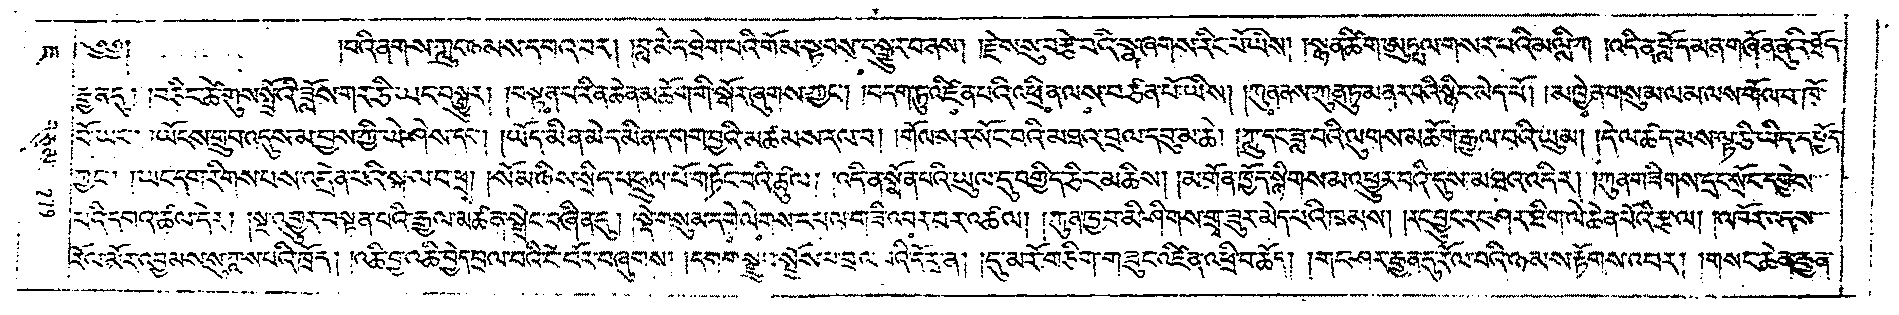༄༅། །བའི་ནགས་ཀླུང་ཉམས་དགའ་བར། །བླ་མེད་ཐེག་པའི་གོམ་སྟབས་བསྒྱུར་བ་ནས། །རྗེས་སུ་བརྩེ་བའི་སྣ་ཞགས་རིང་པོ་ཡིས། །སྙན་ཚིག་ཨུཏྤལ་གསར་པའི་མལླི་ཀ །འདི་ན་བློ་དམན་གཞོན་ནུའི་ཐོད་
རྒྱན་དུ། །བཅིང་ཚེ་གུས་སྤྲོའི་ཟློས་གར་ཅི་ཡང་བསྒྱུར། །བསྟན྾་པ་རིན་ཆེན་མཆོག་གི་སྒོར་ཞུགས་ཀྱང་། །བདག་ཏུ་འཛིན྾་པའི་འཕྲིན་ལས྾་བཙན་པོ་ཡིས། །ཀུན྾་ནས་ཀུན་ཏུ་མནར་བའི་སྙིང་མེད་པོ། །མཁྱེན྾་གསུམ་ལམ་ལས་གོལ་བ་ཁོ་
བོ་ཡང་། །ཡོངས་གྲུབ་འདུས་མ་བྱས་ཀྱི་ཡེ་ཤེས་དང་། །ཡོད་མིན་མེད་མིན་དགག་བྱའི་མཚམས་རལ་བ། །གོལ་སར་སོང་བའི་མཐའ་བྲལ་དབུ་མ་ཆེ། །ཀླུ་དང་ཟླ་བའི་ལུགས་མཆོག་རྒྱལ་བའི་ཡུམ། །དེ་ལ་ཚད་མས་ལྟ་ཅི་ཡིད་དཔྱོད་
ཀྱང་། །ཡང་དག་རིགས་པས་འདྲེན་པའི་སྐལ་བ་ཕྲ། །སོམ་ཉིས་སྲིད་པ་ཧྲུལ་པོ་གཏོང་བའི་ཚུལ། །འདི་ན་སྨོན་པའི་ཡུལ་དུ་བགྱིད་ཅིང་མཆིས། །མགོན་ཁྱོད་སྙིགས་མ་འཕྱུར་བའི་དུས་མཐའ་འདིར། །ཀུན་གཟིགས་དྲང་སྲོང་དགྱེས་
པའི་དགའ་ཚལ་དེར། །སྔ་འགྱུར་བསྟན་པའི་རྒྱལ་མཚན་སྒྲེང་བཞིན་དུ། །སྡེ་གསུམ་དགེ྾་ལེགས྾་དཔལ྾་གཟི་འབར྾་བར་འཚལ། །ཀུན་ཁྱབ་མི་ཤིགས་གྲྭ་ཟུར་མེད་པའི་ཁམས། །རང་བྱུང་རང་ཤར་ཐིག་ལེ་ཆེན་པོའི་རྩལ། །འཁོར་འདས་
རོལ་མོར་འབྱམས་སུ་ཀླས་པའི་ཁྲོད། །འཆི་བྱ་འཆི་བྱེད་བྲལ་བའི་ངོ་བོར་བཞུགས། །དགག་སྒྲུབ་སྤྲོས་པ་བྲལ་བའི་དོ་རྭ་ན། །དུ་མ་རོ་གཅིག་གཟུང་འཛིན་འཕྲི་བ་ཆོད། །གང་ཤར་རྒྱན་དུ་རོལ་བའི་ཉམས་རྟོགས་འབར། །གསང་ཆེན་རྒྱན་